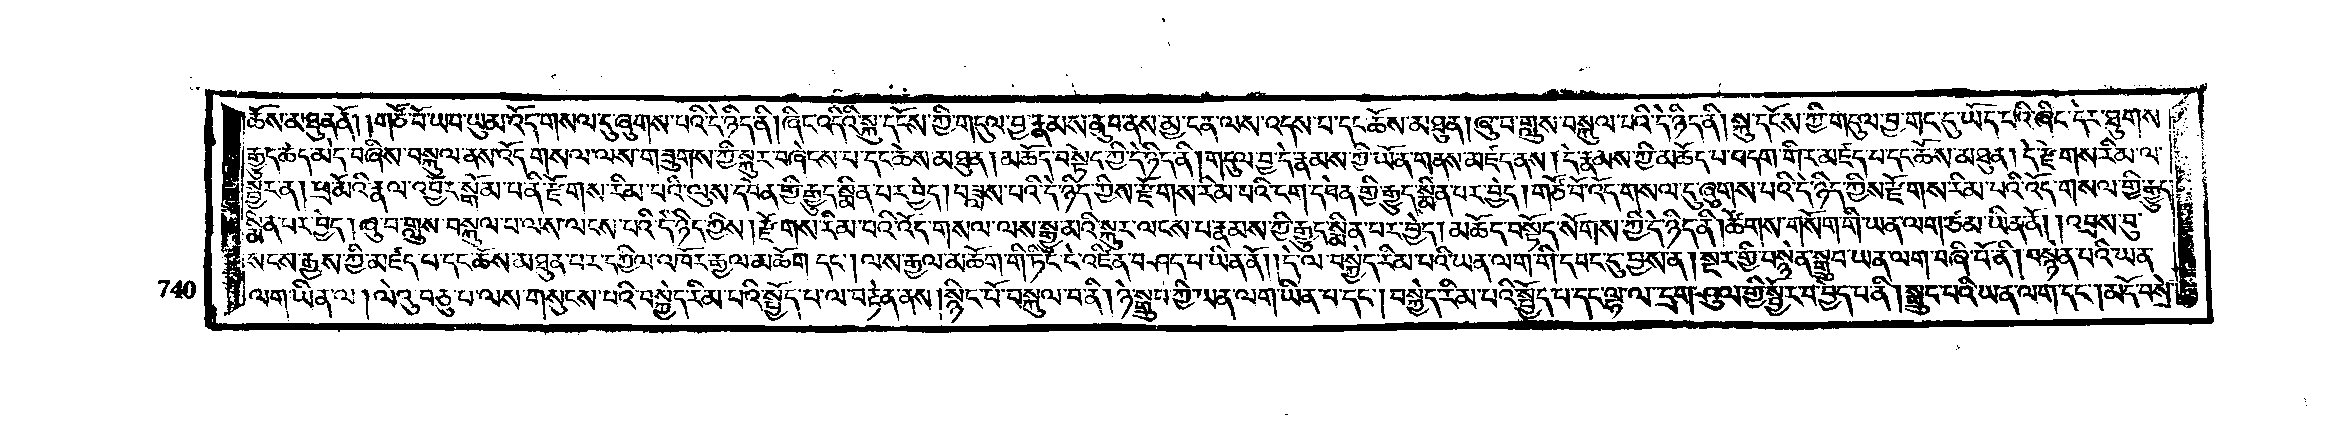ཆོས་མཐུན་ནོ། །གཙོ་བོ་ཡབ་ཡུམ་འོད་གསལ་དུ་ཞུགས་པའི་དེ་ཉིད་ནི། ཞིང་འདིའི་སྐུ་དངོས་ཀྱི་གདུལ་བྱ་རྣམས་ནུབ་ནས་མྱ་ངན་ལས་འདས་པ་དང་ཆོས་མཐུན། ཞུ་བ་གླུས་བསྐུལ་བའི་དེ་ཉིད་ནི། སྐུ་དངོས་ཀྱི་གདུལ་བྱ་གང་དུ་ཡོད་པའི་ཞིང་དེར་ཐུགས་
རྒྱུད་ཚད་མེད་བཞིས་བསྐུལ་ནས་འོད་གསལ་ལས་གཟུགས་ཀྱི་སྐུར་བཞེངས་པ་དང་ཆོས་མཐུན། མཆོད་བསྟོད་ཀྱི་དེ་ཉིད་ནི། གདུལ་བྱ་དེ་རྣམས་ཀྱི་ཡོན་གནས་མཛད་ནས། དེ་རྣམས་ཀྱི་མཆོད་པ་བདག་གིར་མཛད་པ་དང་ཆོས་མཐུན། དེ་རྫོགས་རིམ་ལ་
སྦྱར་ན། ཕྲ་མོའི་རྣལ་འབྱོར་སྒོམ་པ་ནི་རྫོགས་རིམ་པའི་ལུས་དབེན་གྱི་རྒྱུད་སྨིན་པར་བྱེད། བཟླས་པའི་དེ་ཉིད་ཀྱིས་རྫོགས་རིམ་པའི་ངག་དབེན་གྱི་རྒྱུད་སྨིན་པར་བྱེད། གཙོ་བོ་འོད་གསལ་དུ་ཞུགས་པའི་དེ་ཉིད་ཀྱིས་རྫོགས་རིམ་པའི་འོད་གསལ་གྱི་རྒྱུད་
སྨིན་པར་བྱེད། ཞུ་བ་གླུས་བསྐུལ་བ་ལས་ལངས་པའི་དེ་ཉིད་ཀྱིས། རྫོགས་རིམ་པའི་འོད་གསལ་ལས་སྒྱུ་མའི་སྐུར་ལངས་པ་རྣམས་ཀྱི་རྒྱུད་སྨིན་པར་བྱེད། མཆོད་བསྟོད་སོགས་ཀྱི་དེ་ཉིད་ནི། ཚོགས་གསོག་གི་ཡན་ལག་ཙམ་ཡིན་ནོ། འབྲས་བུ་
སངས་རྒྱས་ཀྱི་མཛད་པ་དང་ཆོས་མཐུན་པར་དཀྱིལ་འཁོར་རྒྱལ་མཆོག་དང་།ལས་རྒྱལ་མཆོག་གི་ཏིང་ངེ་འཛིན་བཤད་པ་ཡིན་ནོ། །དེ་ལ་བསྐྱེད་རིམ་པའི་ཡན་ལག་གི་དབང་དུ་བྱས་ན། སྔར་གྱི་བསྙེན་སྒྲུབ་ཡན་ལག་བཞི་པོ་ནི། བསྙེན་པའི་ཡན་
ལག་ཡིན་ལ། ལེའུ་བཅུ་པ་ལས་གསུངས་པའི་བསྐྱེད་རིམ་པའི་སྤྱོད་པ་ལ་བརྟེན་ནས། སྙིང་པོ་བསྐུལ་བ་ནི། ཉེ་སྒྲུབ་ཀྱི་ཡན་ལག་ཡིན་པ་དང་། བསྐྱེད་རིམ་པའི་སྤྱོད་པ་དང་ལྷ་ལ་དྲག་ཤུལ་གྱི་སྦྱོར་བ་བྱེད་པ་ནི། སྒྲུབ་པའི་ཡན་ལག་དང་། མདོ་བསྲེ་